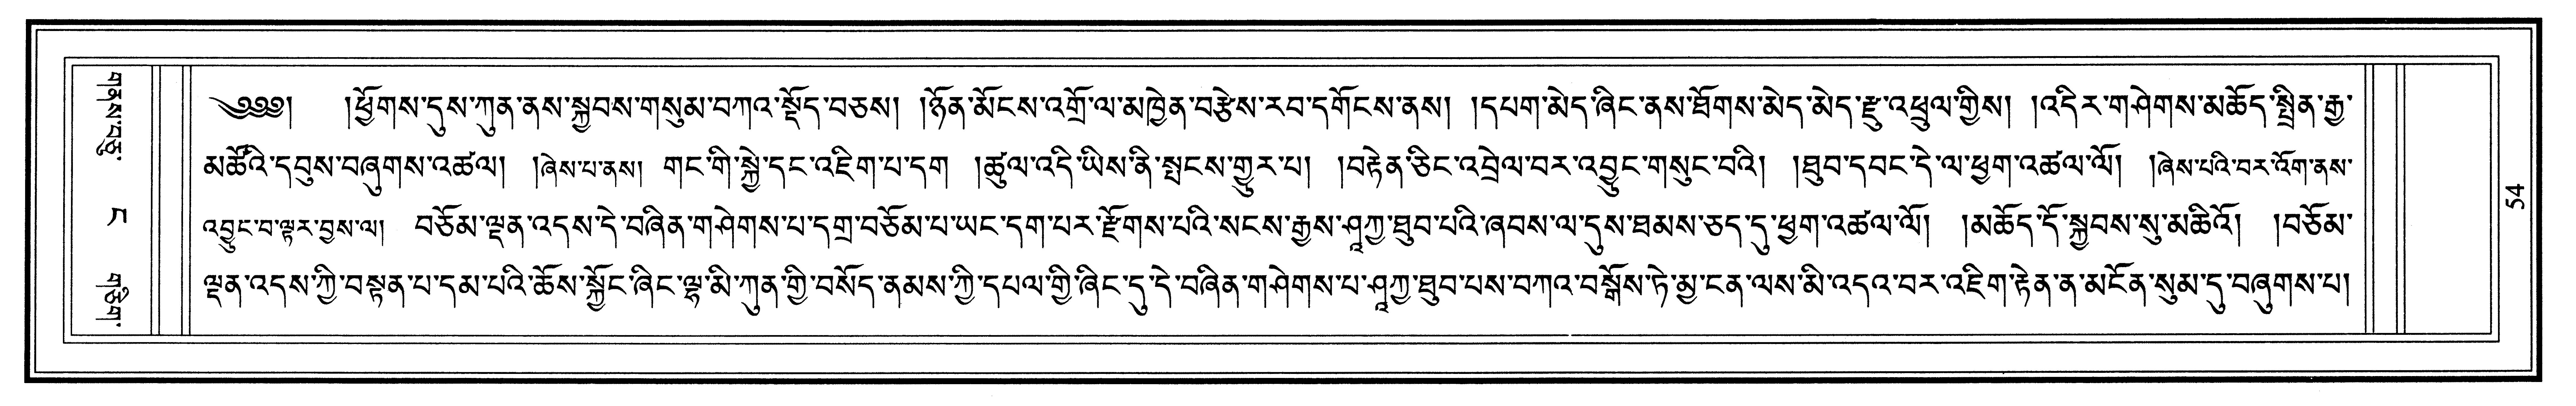༄༅༅། །ཕྱོགས་དུས་ཀུན་ནས་སྐྱབས་གསུམ་བཀའ་སྡོད་བཅས། །ཉོན་མོངས་འགྲོ་ལ་མཁྱེན་བརྩེས་རབ་དགོངས་ནས། །དཔག་མེད་ཞིང་ནས་ཐོགས་མེད་མེད་རྫུ་འཕྲུལ་གྱིས། །འདིར་གཤེགས་མཆོད་སྤྲིན་རྒྱ་
མཚོའི་དབུས་བཞུགས་འཚལ། །ཞེས་པ་ནས། གང་གི་སྐྱེ་དང་འཇིག་པ་དག །ཚུལ་འདི་ཡིས་ནི་སྤངས་གྱུར་པ། །བརྟེན་ཅིང་འབྲེལ་བར་འབྱུང་གསུང་བའི། །ཐུབ་དབང་དེ་ལ་ཕྱག་འཚལ་ལོ། །ཞེས་པའི་བར་འོག་ནས་
འབྱུང་བ་ལྟར་བྱས་ལ། བཅོམ་ལྡན་འདས་དེ་བཞིན་གཤེགས་པ་དགྲ་བཅོམ་པ་ཡང་དག་པར་རྫོགས་པའི་སངས་རྒྱས་ཤཱཀྱ་ཐུབ་པའི་ཞབས་ལ་དུས་ཐམས་ཅད་དུ་ཕྱག་འཚལ་ལོ། །མཆོད་དོ་སྐྱབས་སུ་མཆིའོ། །བཅོམ་
ལྡན་འདས་ཀྱི་བསྟན་པ་དམ་པའི་ཆོས་སྐྱོང་ཞིང་ལྷ་མི་ཀུན་གྱི་བསོད་ནམས་ཀྱི་དཔལ་གྱི་ཞིང་དུ་དེ་བཞིན་གཤེགས་པ་ཤཱཀྱ་ཐུབ་པས་བཀའ་བསྒོས་ཏེ་མྱ་ངན་ལས་མི་འདའ་བར་འཇིག་རྟེན་ན་མངོན་སུམ་དུ་བཞུགས་པ།